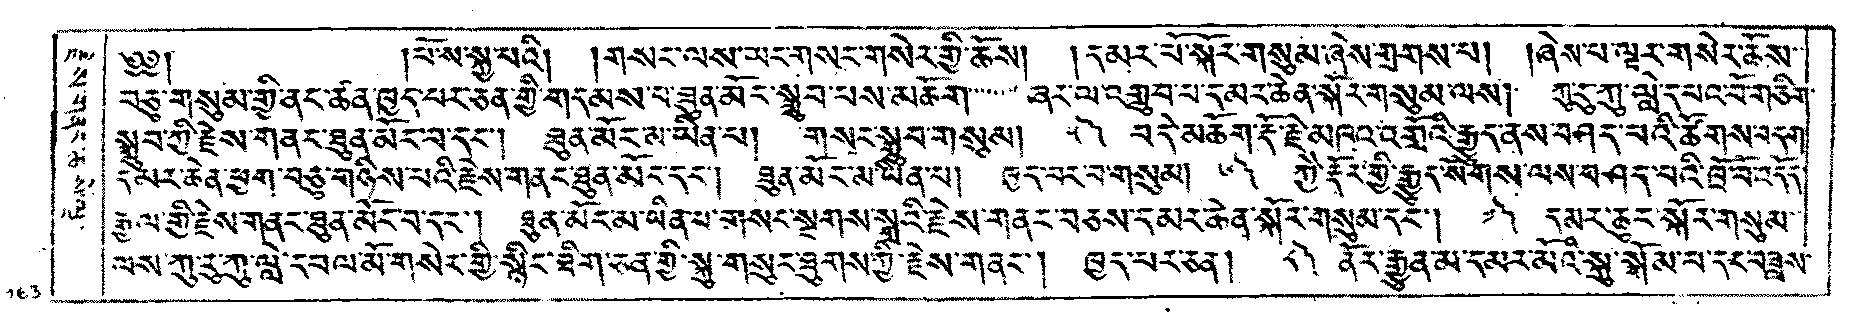༄༅། །པོ་ས་སྐྱ་པའི། །གསང་ལས་ཡང་གསང་གསེར་གྱི་ཆོས། །དམར་པོ་སྐོར་གསུམ་ཞེས་གྲགས་པ། །ཞེས་པ་ལྟར་གསེར་ཆོས་
བཅུ་གསུམ་གྱི་ནང་ཚན་ཁྱད་པར་ཅན་གྱི་གདམས་པ་ཐུན་མོང་སྒྲུབ་པས་མཆོག་ཞར་ལ་འགྲུབ་པ་དམར་ཆེན་སྐོར་གསུམ་ལས། ཀུ་རུ་ཀུ་ལླེ་དཔའ་བོ་གཅིག་
སྒྲུབ་ཀྱི་རྗེས་གནང་ཐུན་མོང་བ་དང་། ཐུན་མོང་མ་ཡིན་པ། གསང་སྒྲུབ་གསུམ། ༥?་བདེ་མཆོག་རྡོ་རྗེ་མཁའ་འགྲོའི་རྒྱུད་ནས་བཤད་པའི་ཚོགས་བདག་
དམར་ཆེན་ཕྱག་བཅུ་གཉིས་པའི་རྗེས་གནང་ཐུན་མོང་དང་། ཐུན་མོང་མ་ཡིན་པ། ཁྱད་པར་བ་གསུམ། ༦?་ཀྱཻ་རྡོར་གྱི་རྒྱུད་སོགས་ལས་བཤད་པའི་ཁྲོ་བོ་འདོད་
རྒྱལ་གྱི་རྗེས་གནང་ཐུན་མོང་བ་དང་། ཐུན་མོང་མ་ཡིན་པ་གསང་སྔགས་སྒྲའི་རྗེས་གནང་བཅས་དམར་ཆེན་སྐོར་གསུམ་དང་། ༧?་དམར་ཆུང་སྐོར་གསུམ་
ལས་ཀུ་རུ་ཀུ་ལླེ་དཔལ་མོ་གསེར་གྱི་སྙིང་ཐིག་ཅན་གྱི་སྐུ་གསུང་ཐུགས་ཀྱི་རྗེས་གནང་། ཁྱད་པར་ཅན། ༨?་ནོར་རྒྱུན་མ་དམར་མོའི་སྐུ་སྒོམ་པ་དང་བཟླས་